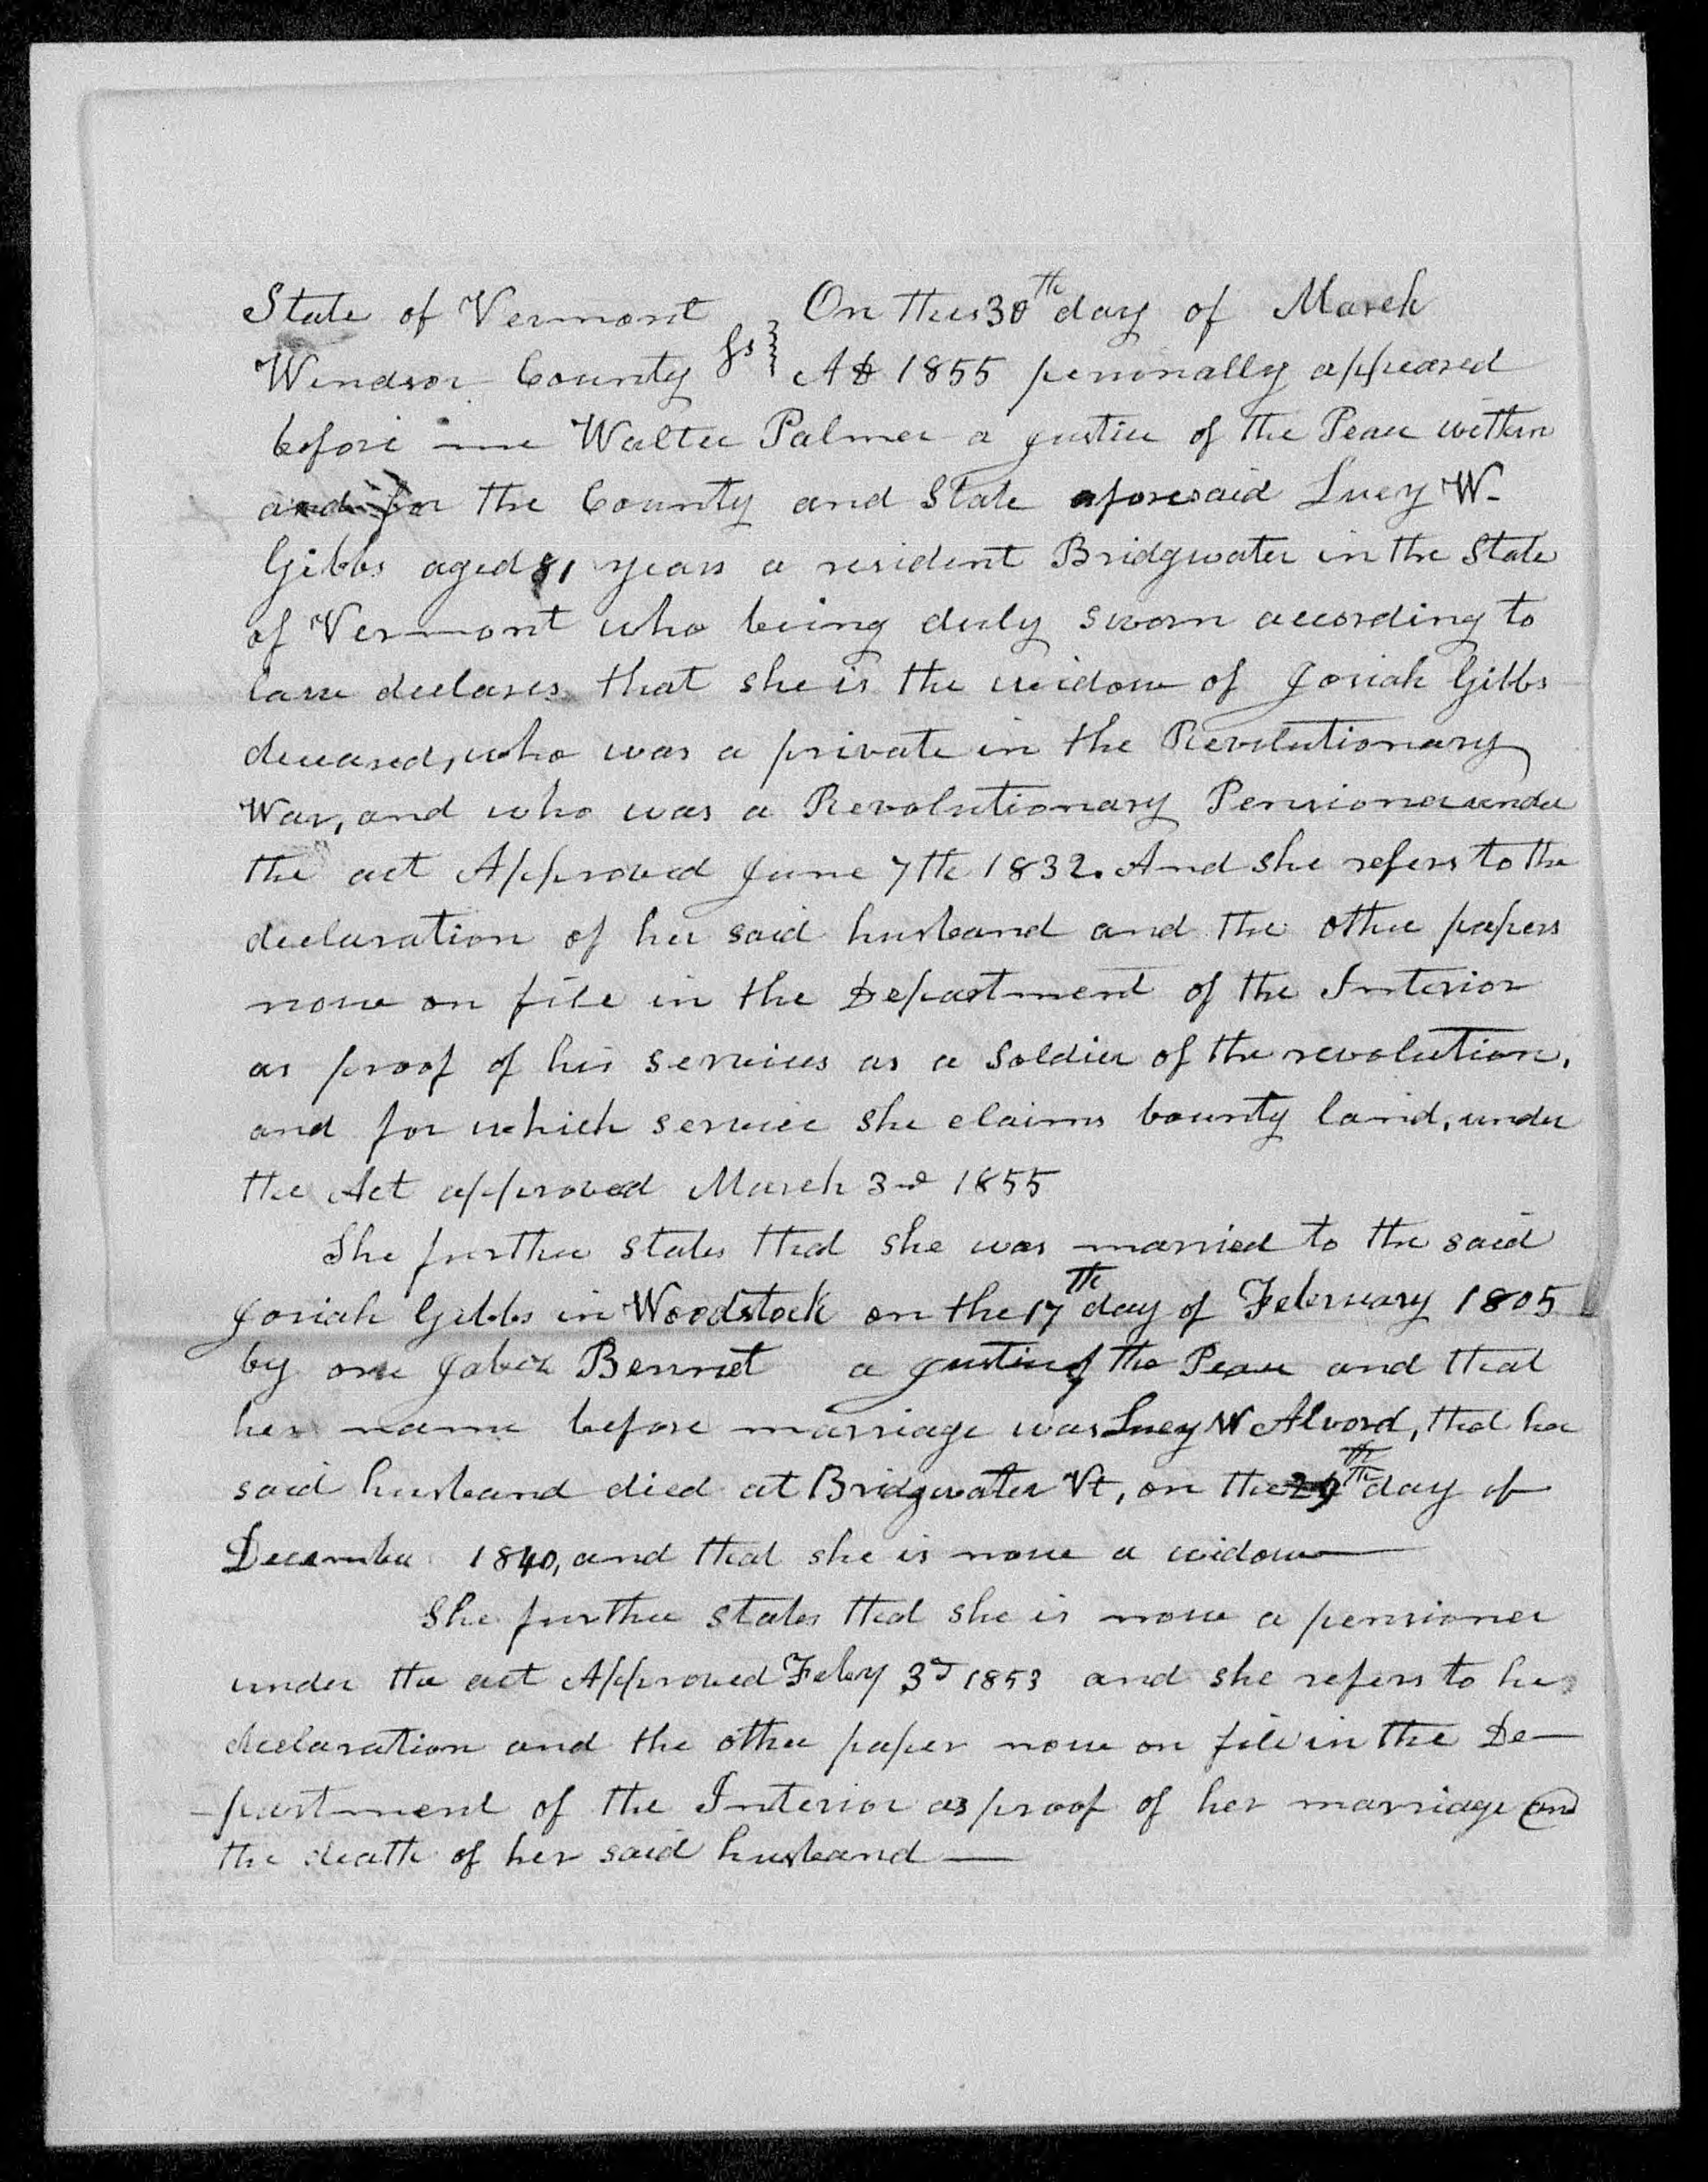State of Vermont ⎬ 
Windsor County Ss.}
On this 30th day of March A D 1855 personally appeared before me Walter Palmer a Justice of the Peace within and for the County and State aforesaid Lucy W. Gibbs aged 81 years a resident Bridgewater in the State of Vermont who being duly sworn according to law declares that she is the widow of Josiah Gibbs
deceased, who was a private in the Revolutionary War, and who was a Revolutionary Pensioner under the act approved June 7th 1832. And she refers to the
declaration of her said husband and the other papers now on file in the Department of the Interior as proof of his services as a soldier of the revolution. and for which service she claims bounty land, under the Act approved March 3rd 1855
She further states that she was married to the said Josiah Gibbs in Woodstock on the 17th day of February 1805 by one Jabez Bennett
Justice of the Peace and that her name before marriage was Lucy W Alvord, that her said husband died at Bridgewater Vt, on the 27th day of December 1840, and that she is now a widow
She further states that she is now a pensioner
under the act approved Feby 3d 1853 and she refers to the declaration and the other papers now on file in the Department of the Interior as proof of her marriage and the death of her said husband -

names: Lucy W Alvord, Josiah Gibbs, Lucy W Gibbs, Walter Palmer, Jabez Bennet, Josiah Gibbs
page: 12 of 33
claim: widow's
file: W. 4681, Josiah Gibbs, Mass